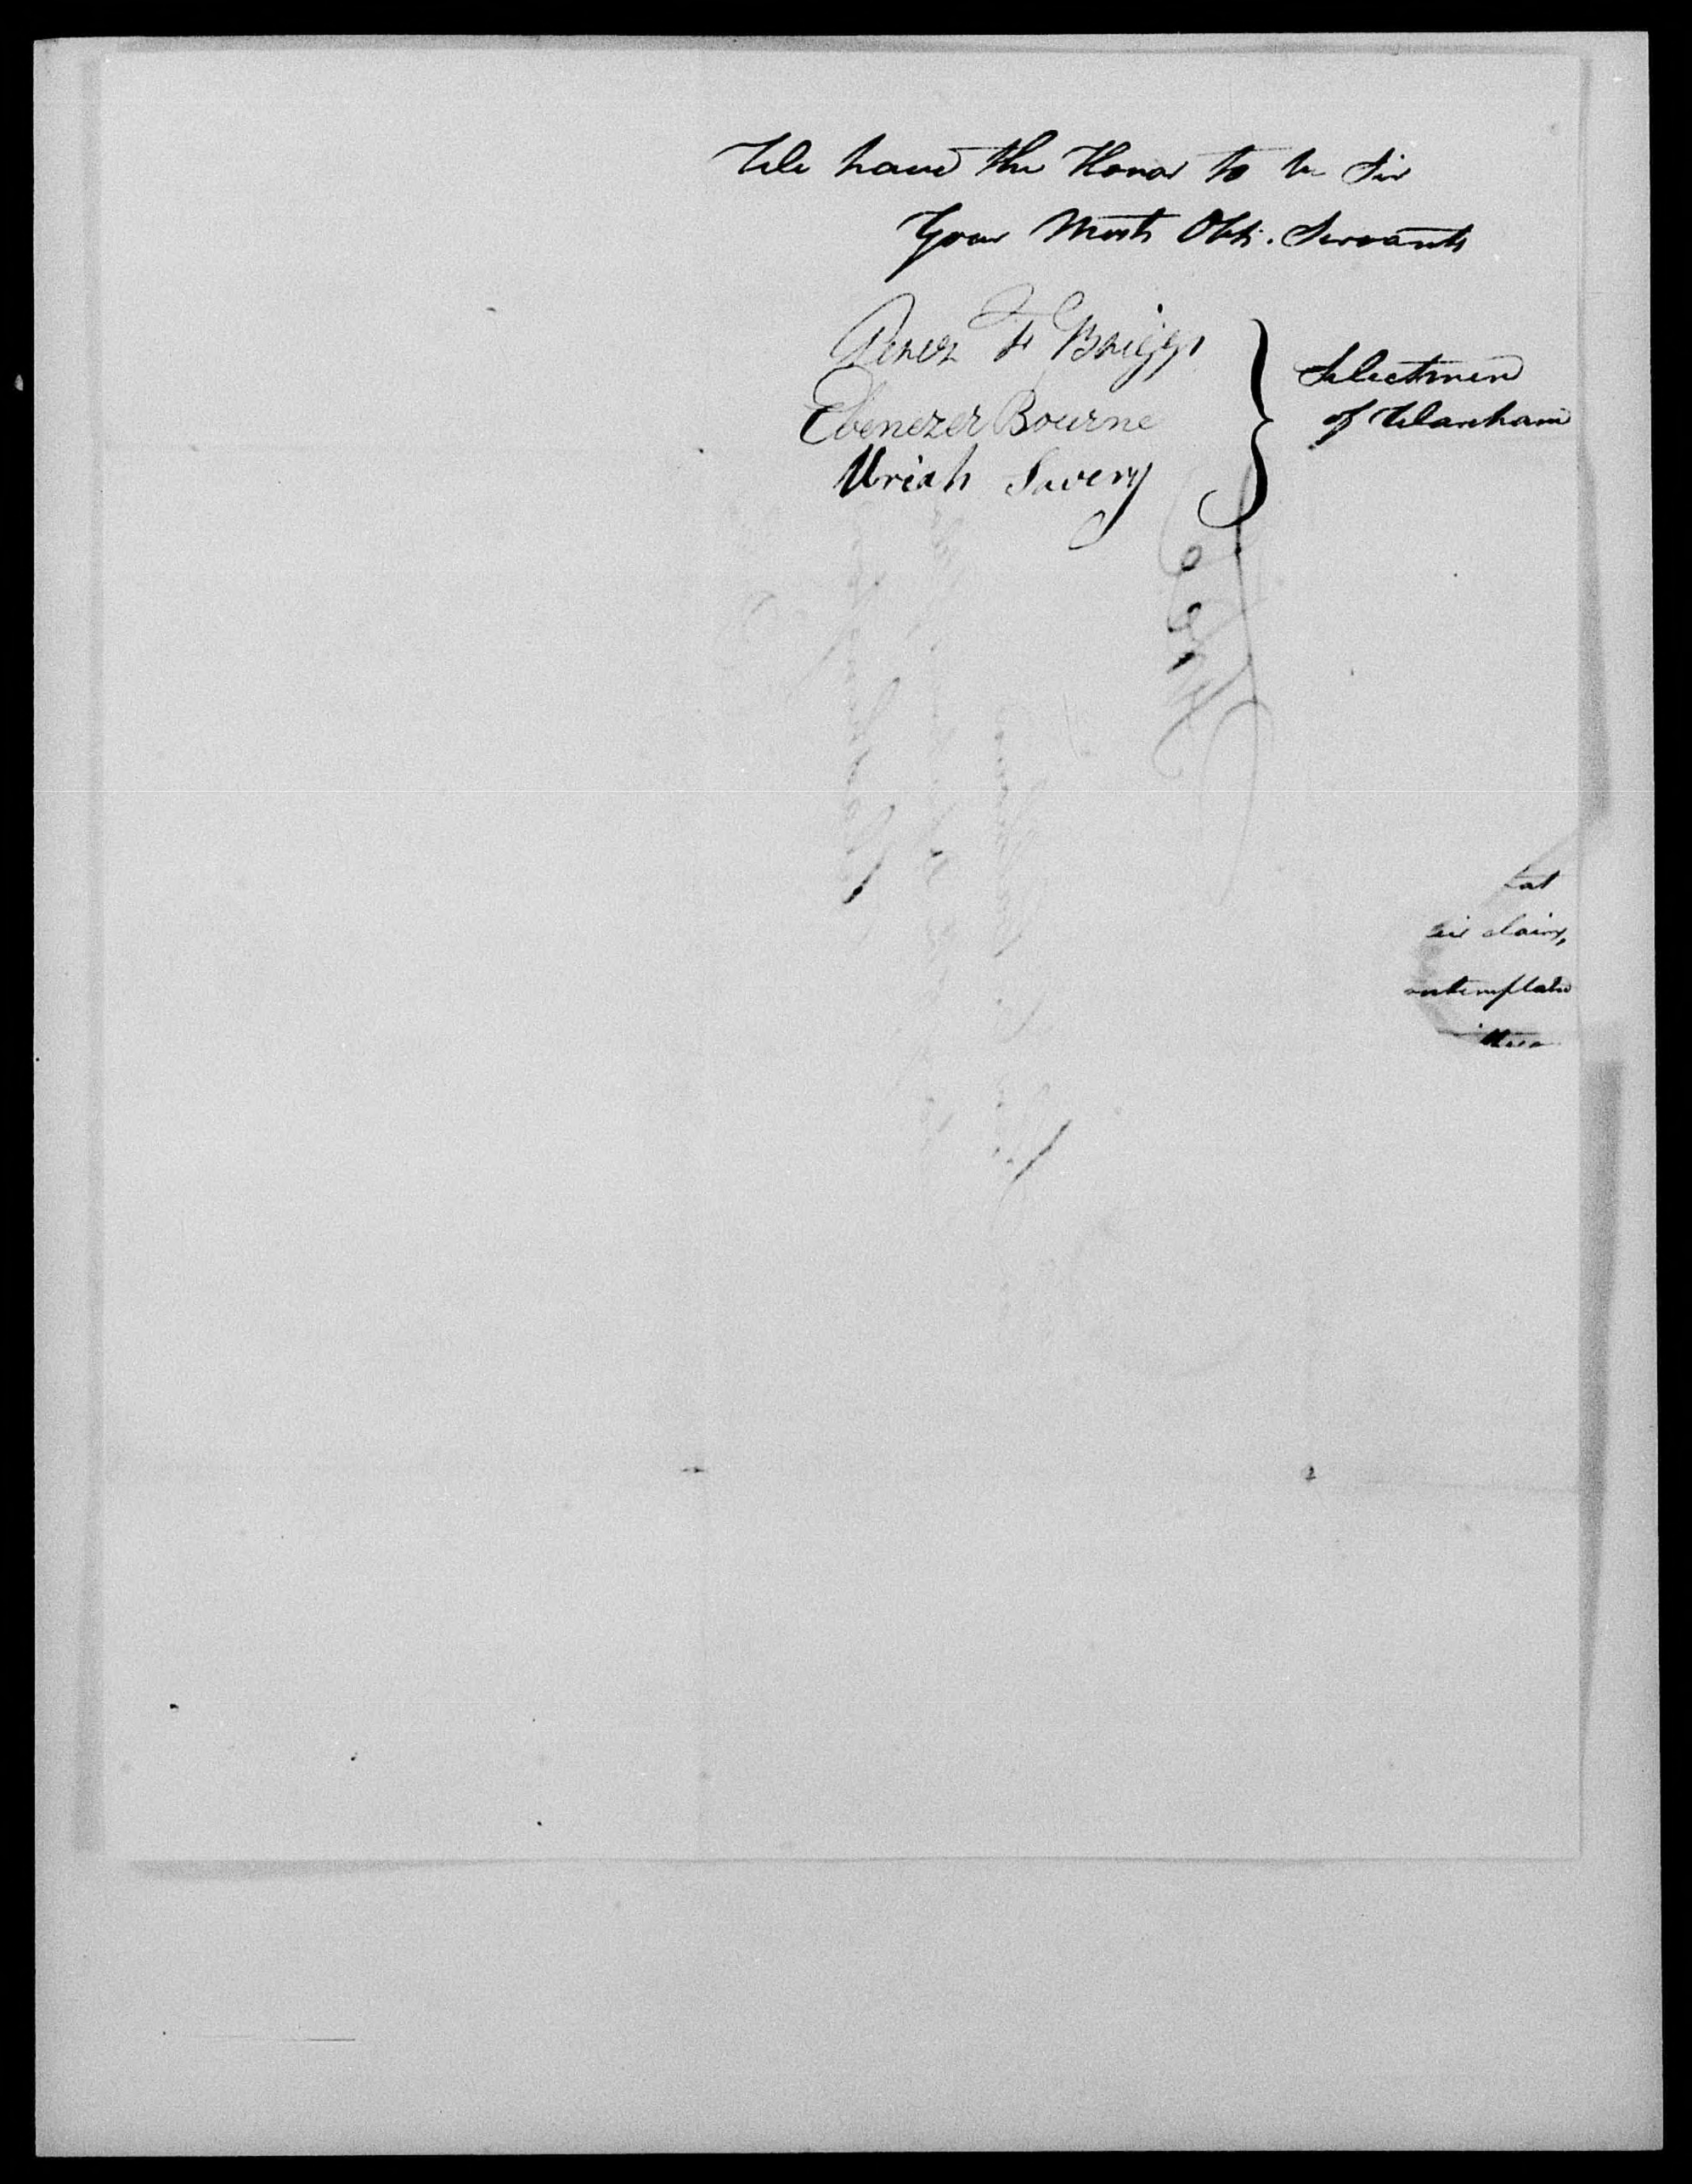We have the Hon to be Sir
Your most Obt. Servants

Perer F Briggs      }  Selectmen
Ebenezer Bourne }   of Wareham
Uriah Savery        }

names: Perez F Briggs; Uriah Savery; Ebenezer Bourne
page: 41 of 82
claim: widow's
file: W. 13,634, for Rufus Lincoln, Massachusetts